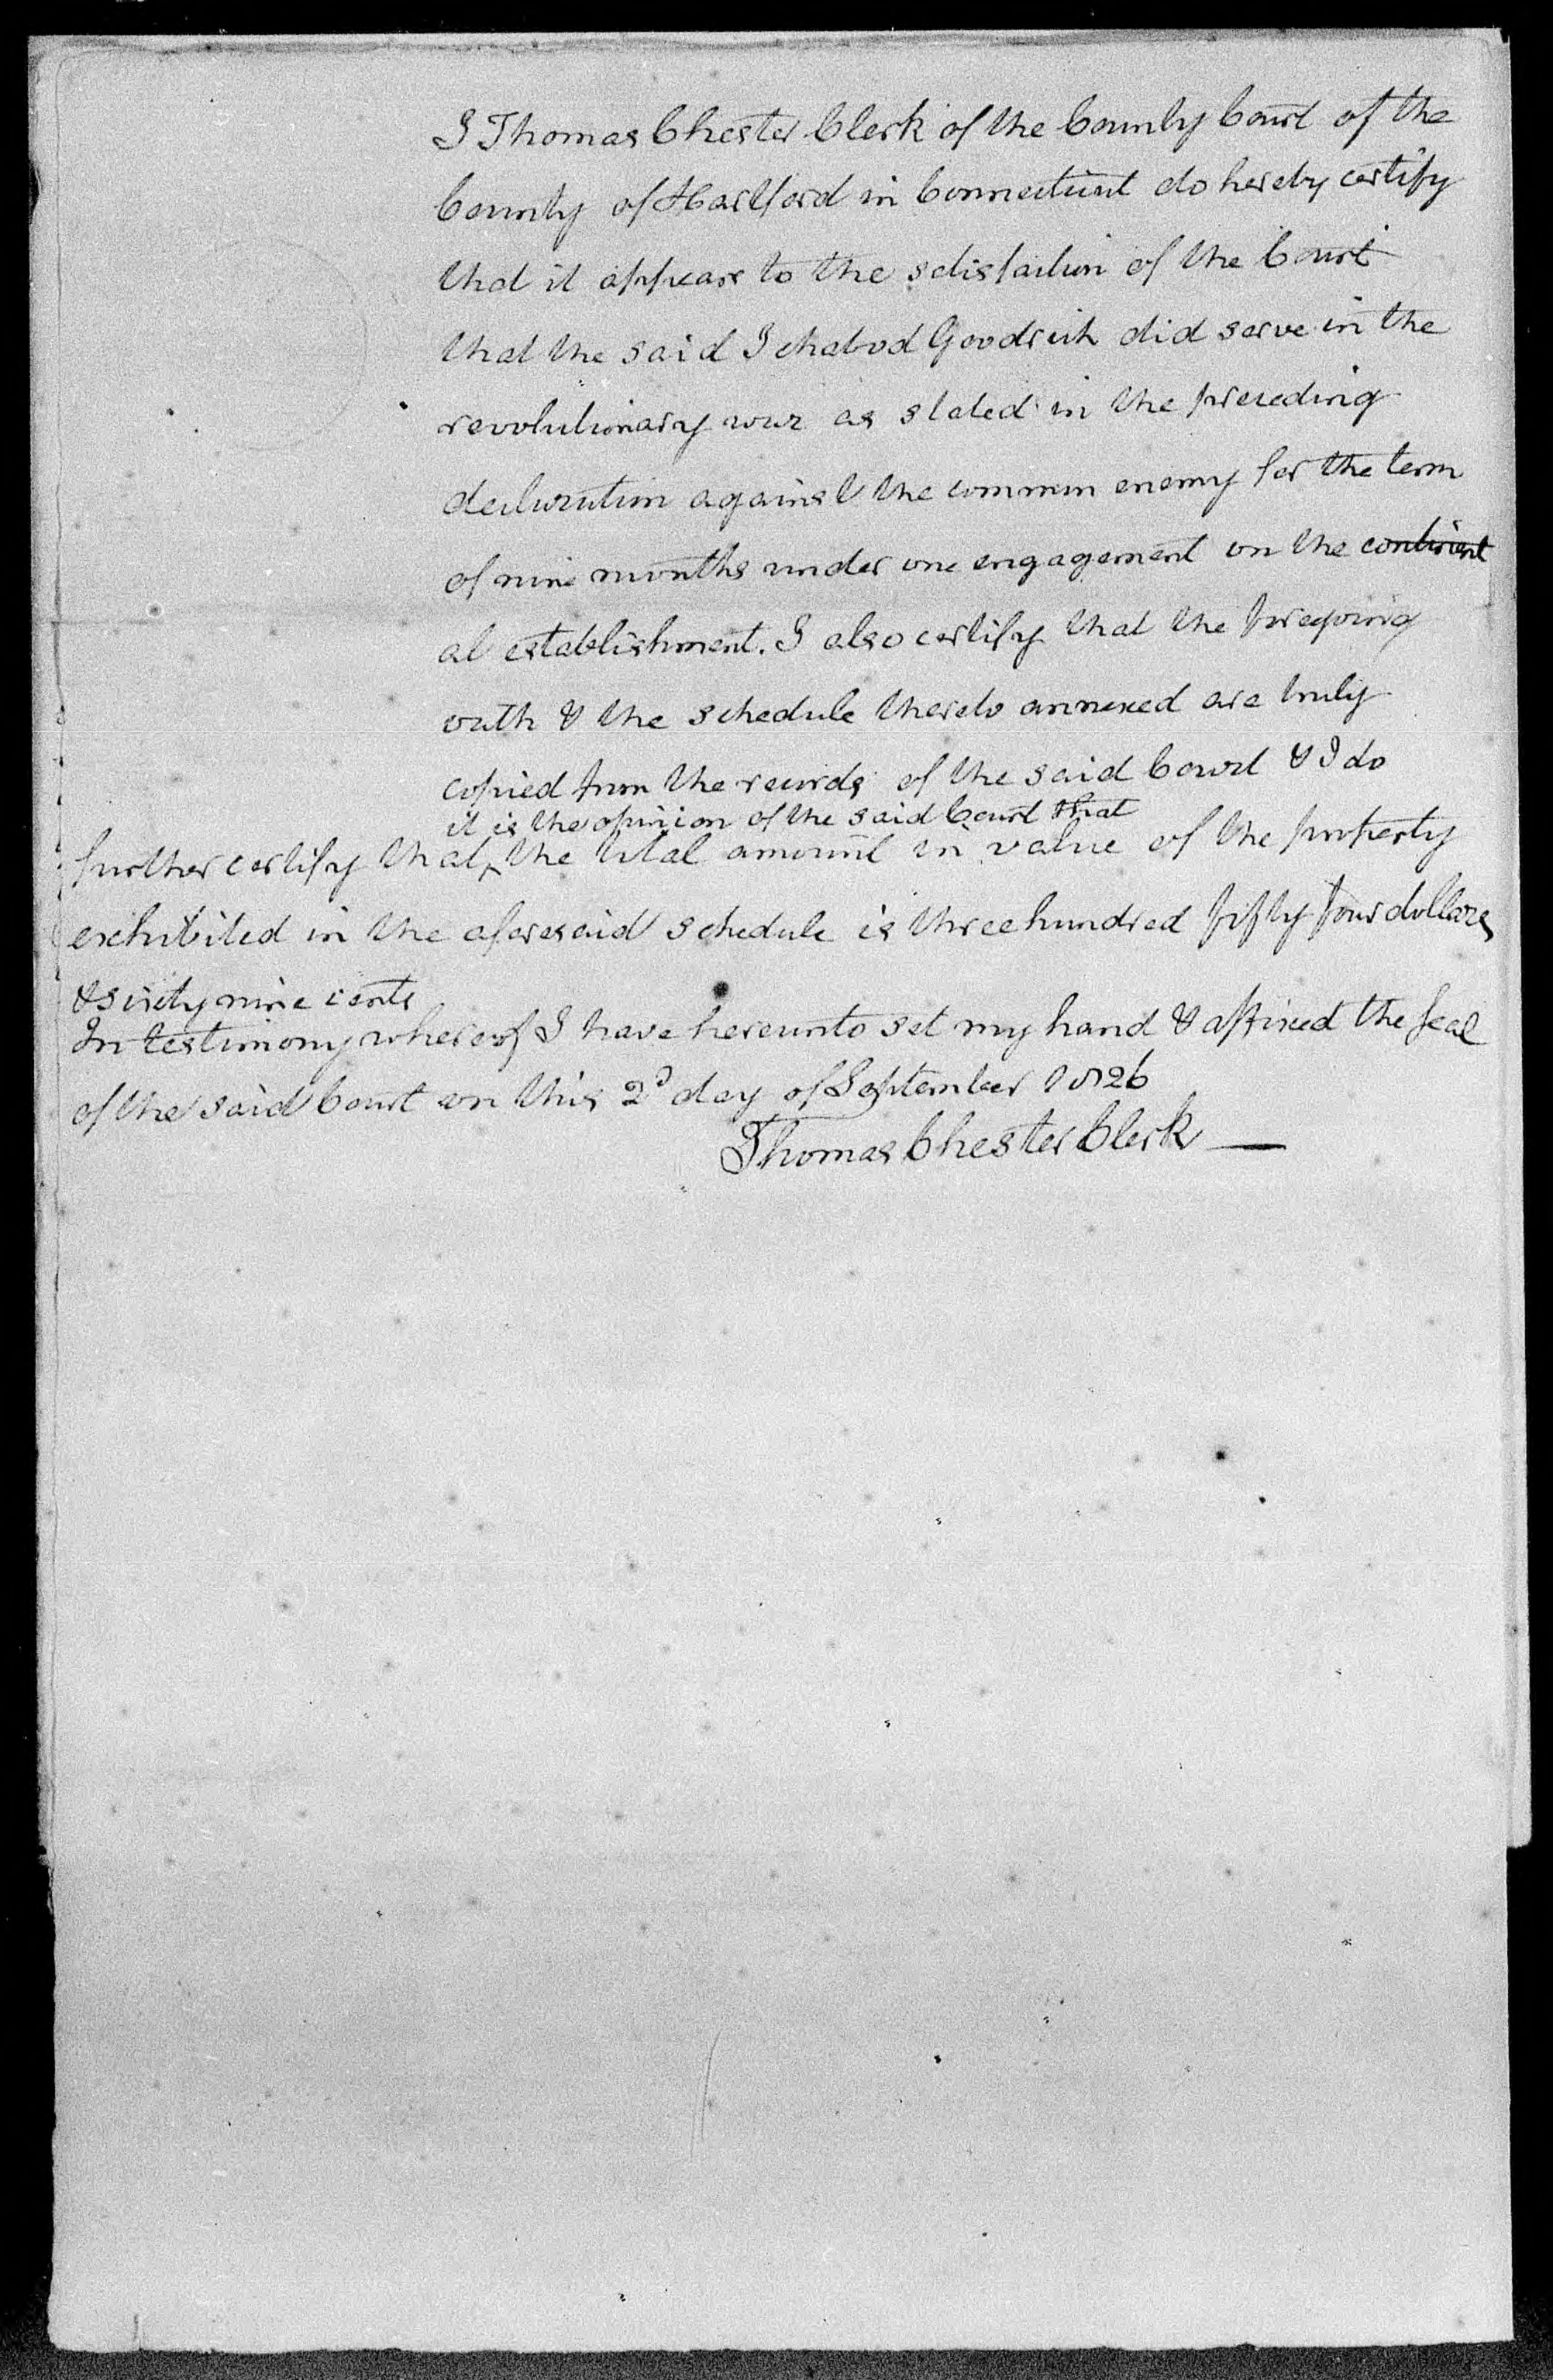I Thomas Chester Clerk of the County Court of the County of Hartford in Connecticut do hereby certify that it appears to the satisfaction of the Court that the said Ichabod Goodrich did serve in the revolutionary war as stated in the preceding declaration against the common enemy for the term of nine months under one engagement on the continental establishment. I also certify that the foregoing oath & the schedule thereto annexed are truly copied from the records of the said Court & I do further certify that it is the opinion of the said Court that the total amount in value of the property exhibited in the aforesaid schedule is three hundred fifty four dollars & sixty nine cents.
In testimony whereof I have hereunto set my hand & affixed the seal of the said Court on this 2d day of September 1826
Thomas Chester Clerk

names: Ichabod Goodrich, Thomas Chester, Thomas Chester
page: 23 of 46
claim: survivor's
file: S. 36,556, Ichabod Goodrich, Conn.